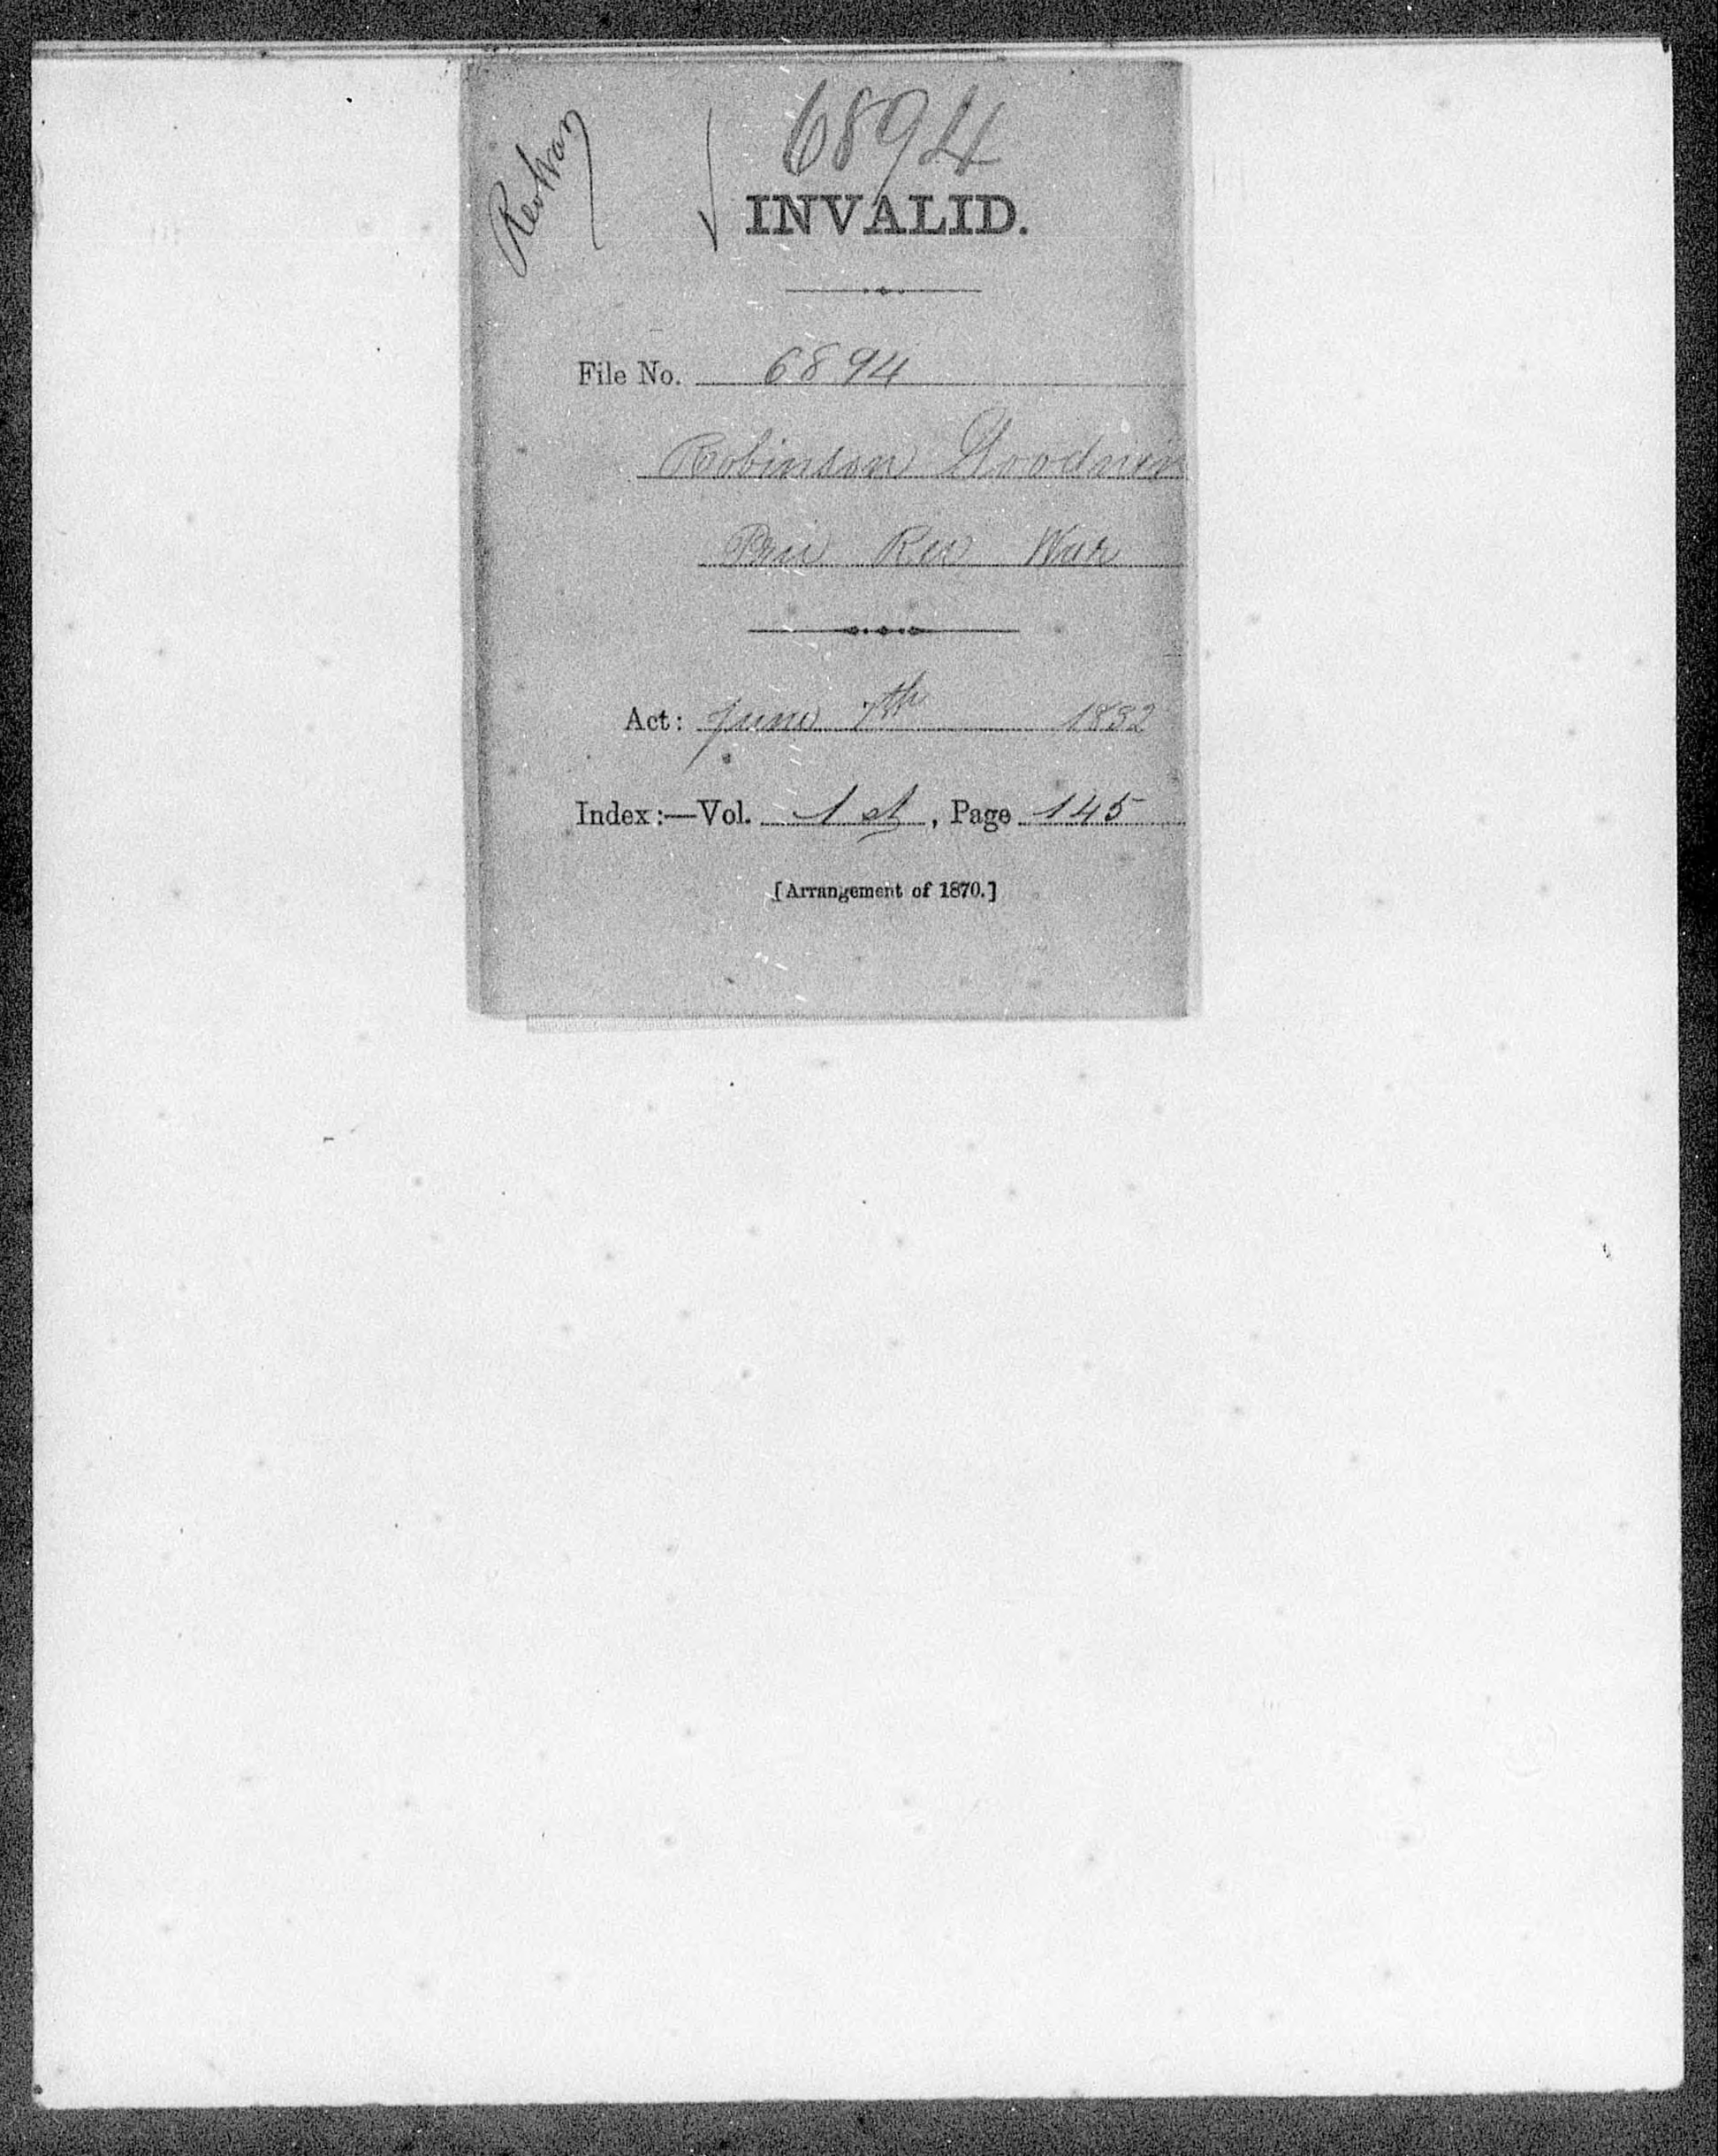68944
INVALID.
File No. 6894
Robinson Goodwin
Pew Rev War
---
Act: June 7th
1832
Index: -- Vol. A, Page 145
Arrangement of 1870.}
6894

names: Robinson Goodwin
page: 14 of 16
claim: survivor's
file: S. 6,894, Robison Goodwin, N.C.